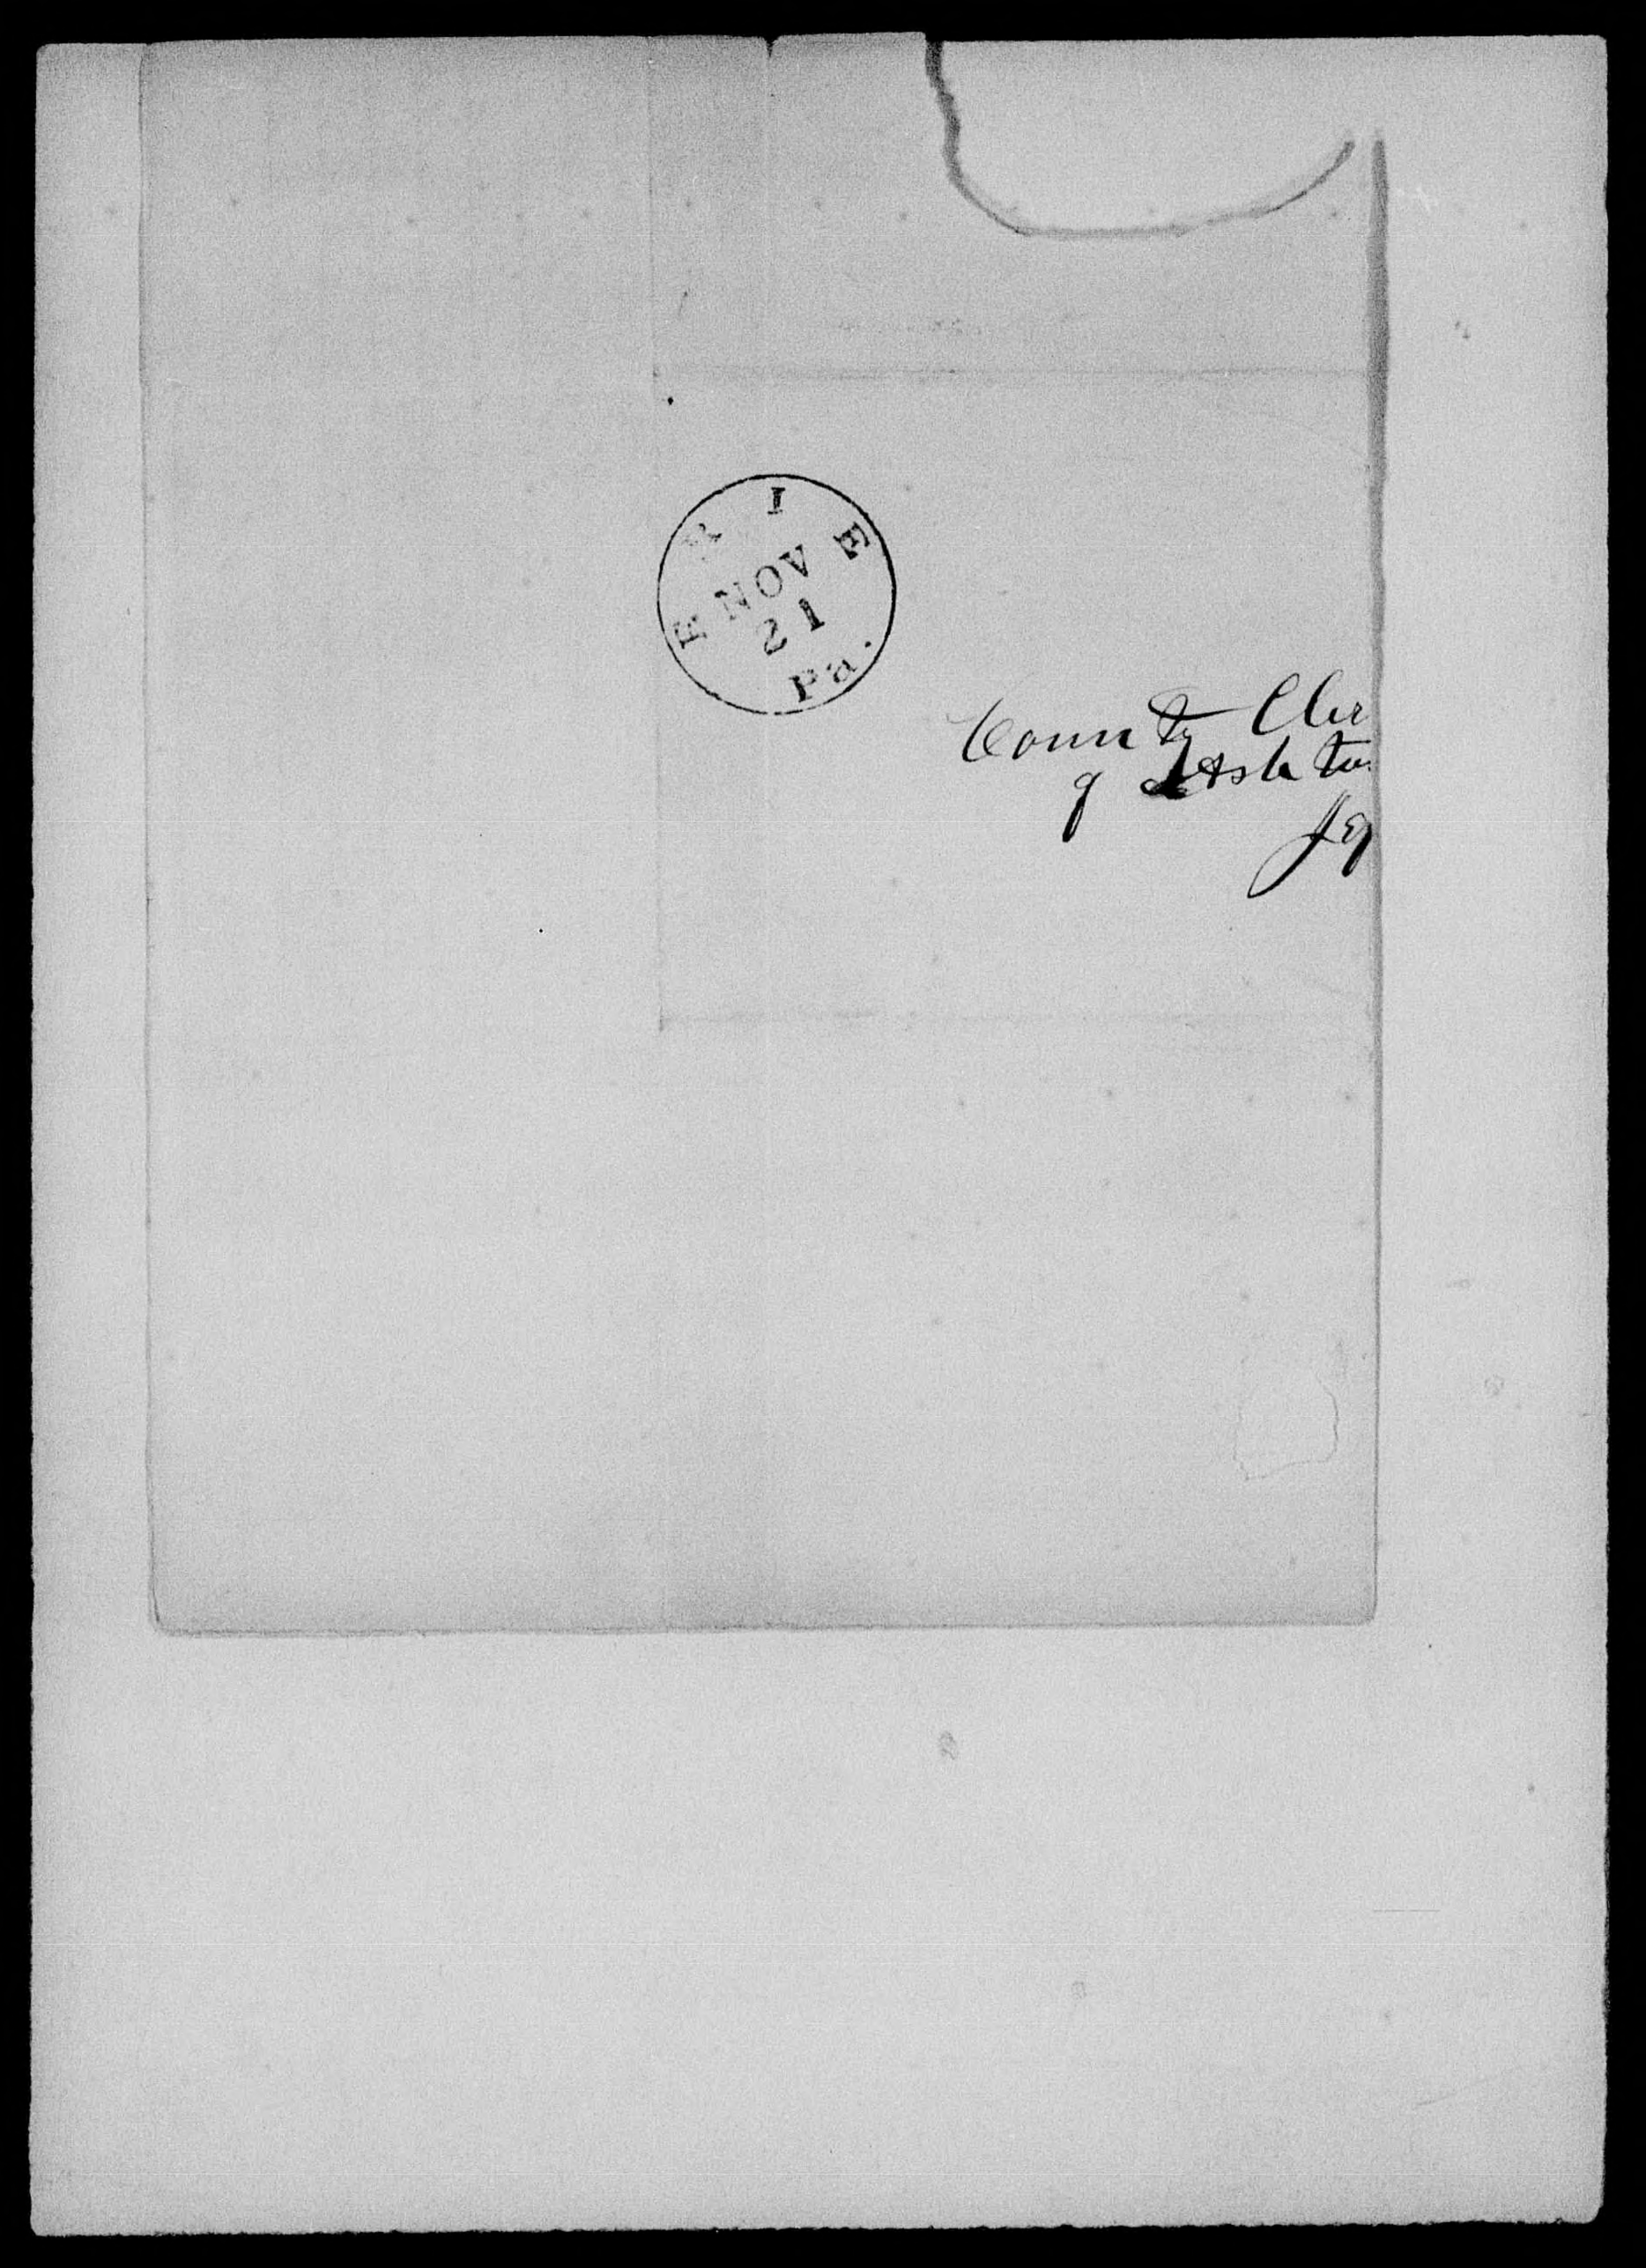[postmark: ERIE Pa. NOV 21]
County Clerk 
of Ashta[damaged paper]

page: 23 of 80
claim: survivor's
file: S. 18008, Thomas Harvey, N.H.